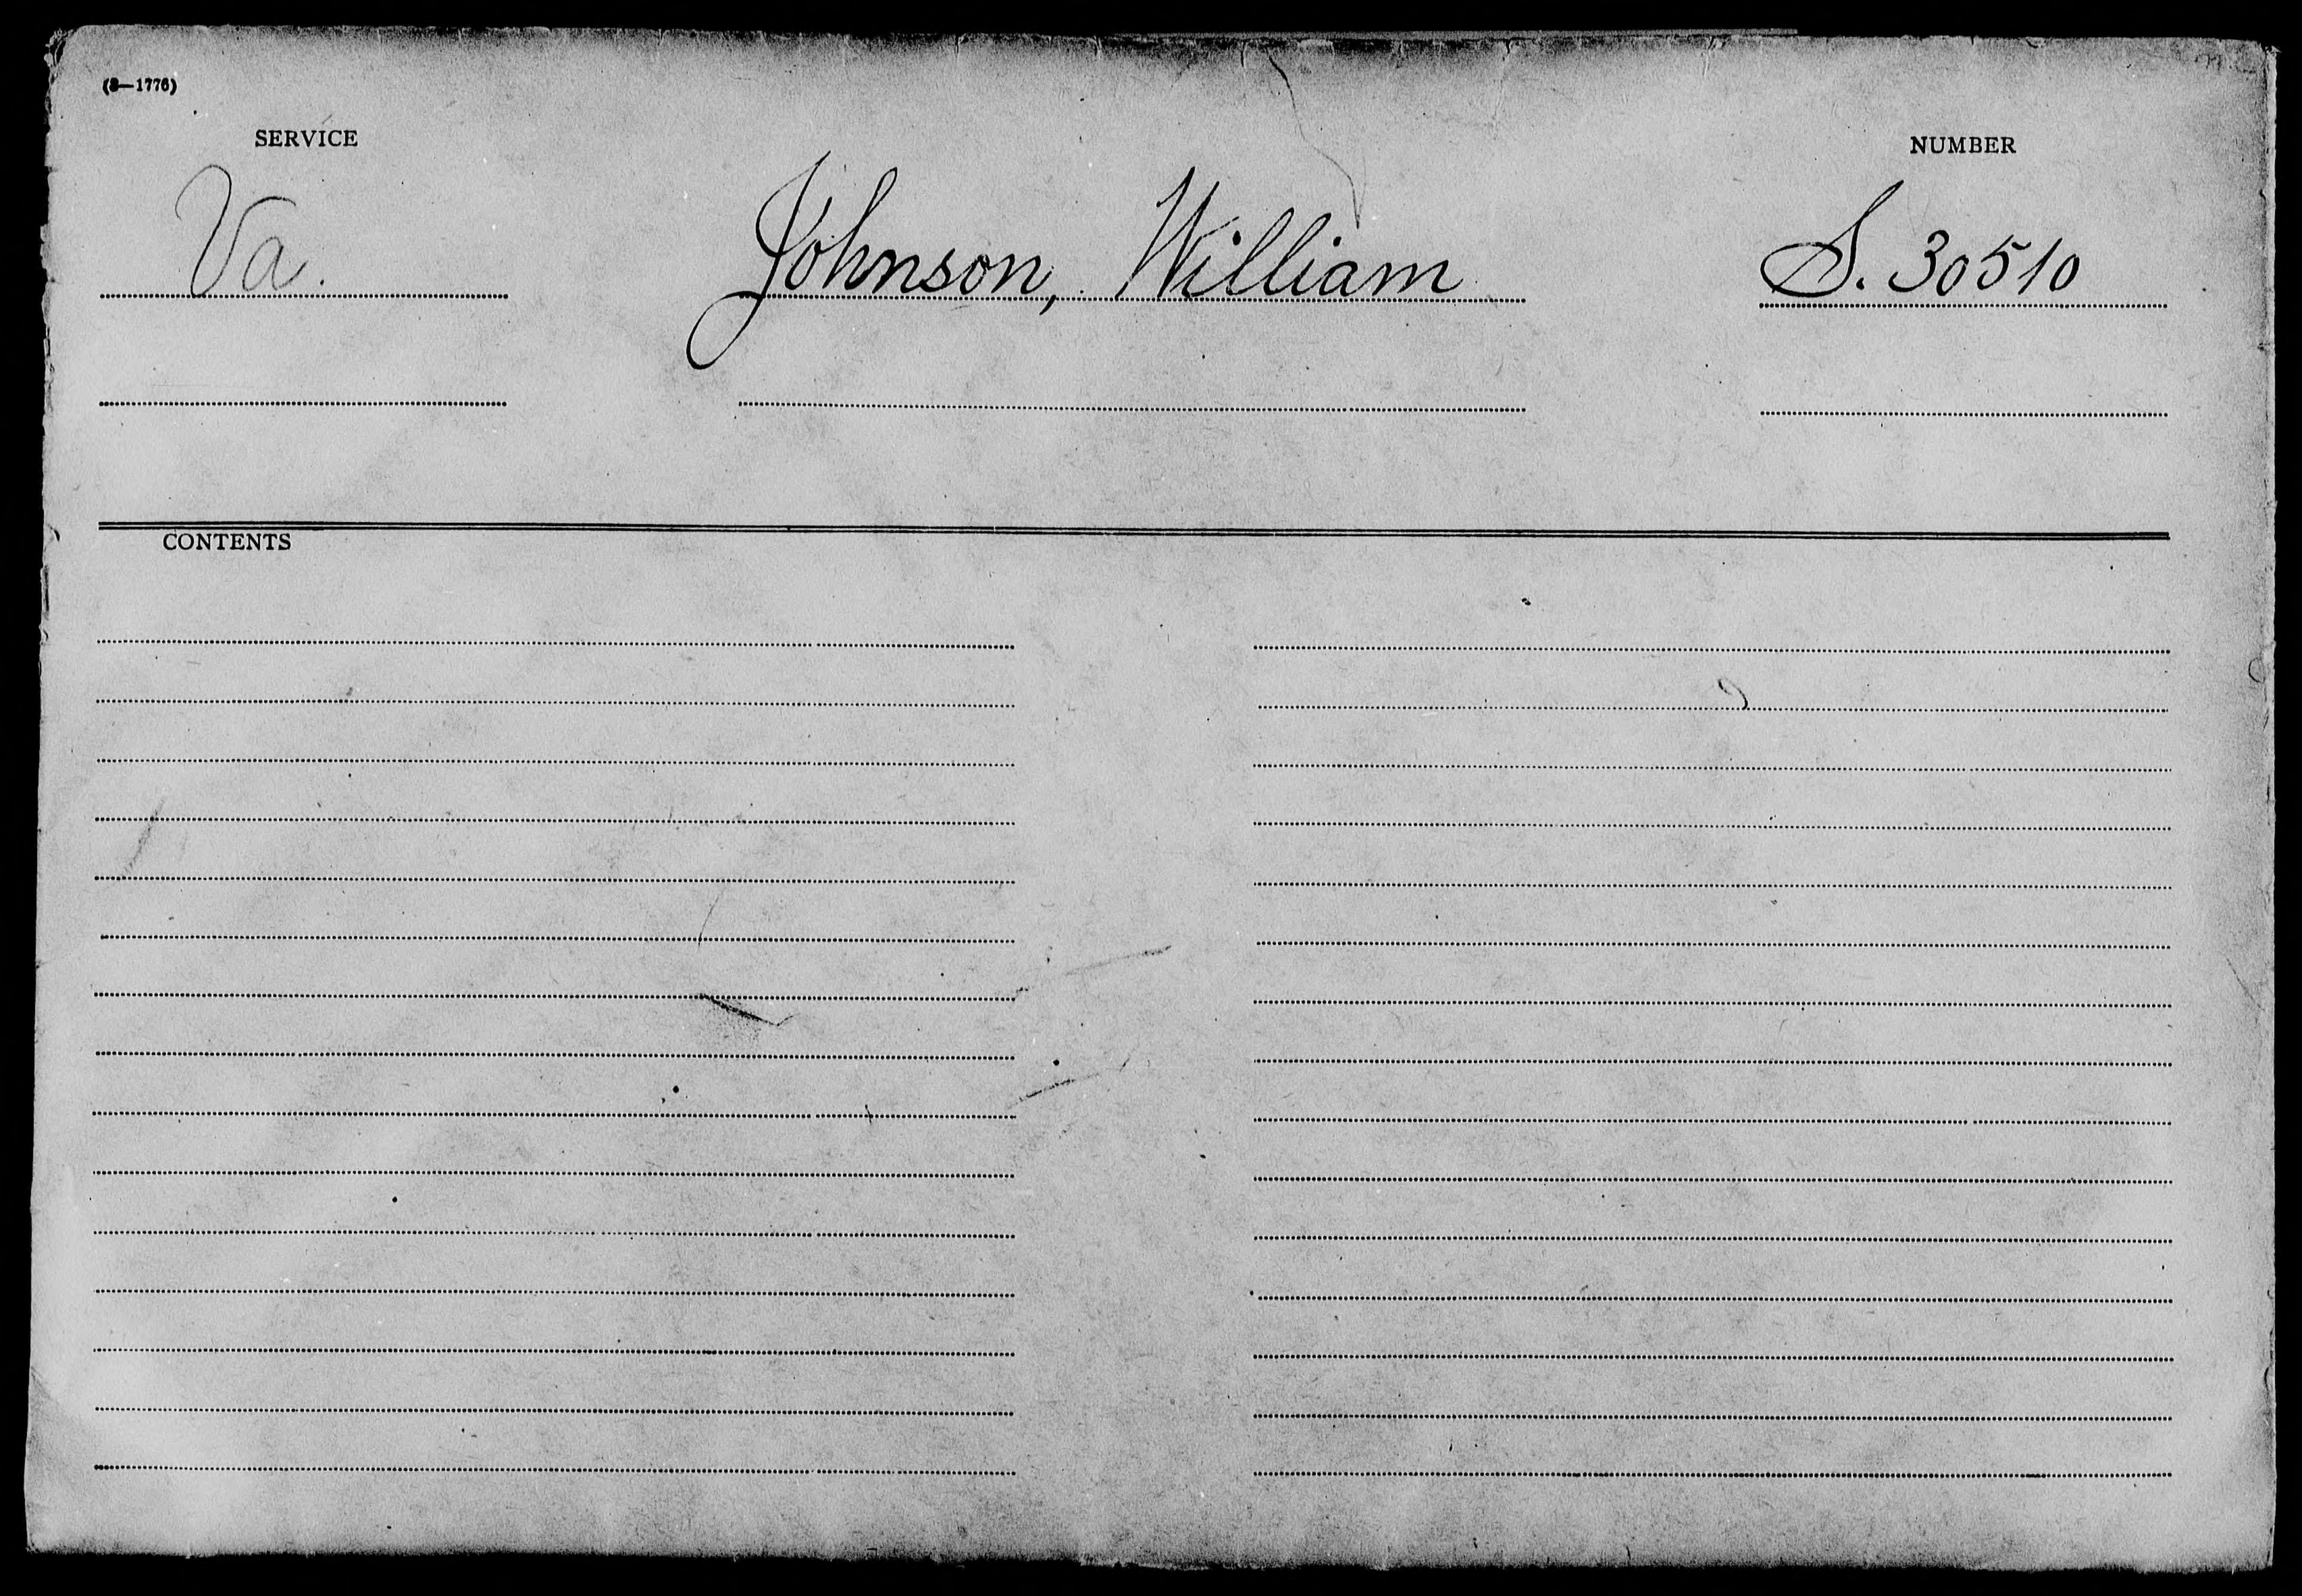Service 
Number

Va., Johnson, William, S. 30510

Contents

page: 1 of 54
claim: survivor's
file: S. 30510, for William Johnson, Virginia